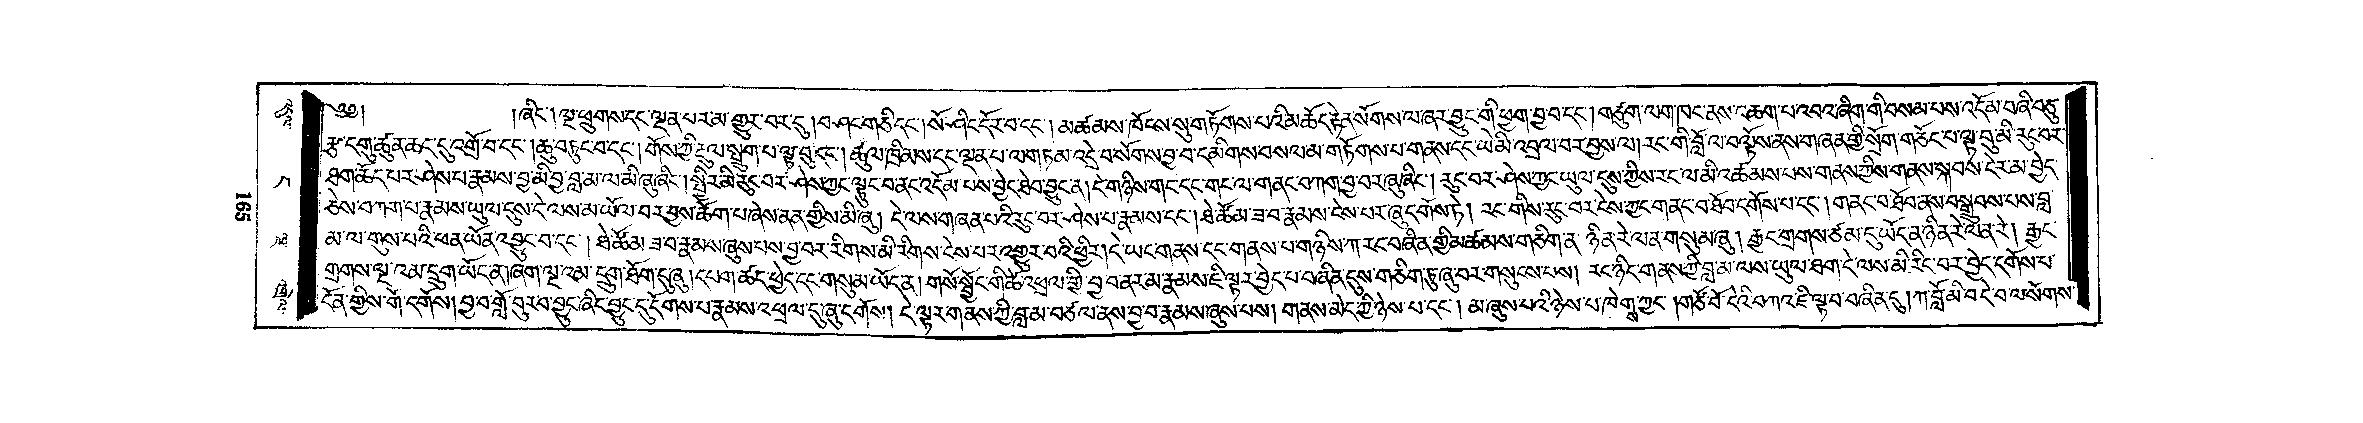༄༅། །ཞིང་། ལྔ་ཕྲུགས་དང་ལྡན་པར་མ་གྱུར་བར་དུ། བཤང་གཅི་དང་། སོ་ཤིང་དོར་བ་དང་། མཚམས་ཁོངས་སུ་གཏོགས་པའི་མཆོད་རྟེན་སོགས་ལ་ཞར་བྱུང་གི་ཕྱག་བྱ་བ་དང་། གཙུག་ལག་ཁང་ནས་འཆག་པ་འབའ་ཞིག་གི་བསམ་པས་འདོམ་བཞི་བཅུ་
རྩ་དགུ་ཚུན་ཆད་དུ་འགྲོ་བ་དང་། ཆུ་བཏུང་བ་དང་། གོས་ཀྱི་རྡུལ་སྤྲུག་པ་ལྟ་བུ་དང་། ཚུལ་ཁྲིམས་དང་ལྡན་པ་ལ་གཏམ་འདྲེ་བ་སོགས་བྱ་བ་དམིགས་བསལ་མ་གཏོགས་པ་གནས་དང་ཡེ་མི་འབྲལ་བར་བྱས་ལ། རང་གི་བློ་ལ་བལྟོས་ནས་གཞན་གྱི་སྲོག་གཅོད་པ་ལྟ་བུ་མི་རུང་བར་
ཐག་ཆོད་པར་ཤེས་པ་རྣམས་བྱ་མི་བྱ་བླ་མ་ལ་མི་ཞུ་ཞིང་། སྤྱིར་མི་རུང་བར་ཤེས་ཀྱང་ལྟུང་བ་ནང་འདོམ་པས་བྱེད་ཐེབ་བྱུང་ན། དེ་གཉིས་གང་དང་གང་ལ་གནང་བཀག་བྱ་བར་ཞུ་ཞིང་། རུང་བར་ཤེས་ཀྱང་ཡུལ་དུས་ཀྱིས་རང་ལ་མི་འཚམས་པས་གནས་ཀྱིས་གནས་སྐབས་དེར་མ་བྱེད་
ཅེས་བཀག་པ་རྣམས་ཡུལ་དུས་དེ་ལས་མ་ཡོལ་བར་བྱས་ཆོག་པ་ཞེས་ནན་གྱིས་མི་ཞུ། དེ་ལས་གཞན་པའི་རུང་བར་ཤེས་པ་རྣམས་དང་། ཐེ་ཚོམ་ཟ་བ་རྣམས་ངེས་པར་ཞུ་དགོས་ཏེ། རང་གིས་རུང་བར་ངེས་ཀྱང་གནང་བ་ཐོབ་དགོས་པ་དང་། གནང་བ་ཐོབ་ནས་བསྒྲུབས་པས་བླ་
མ་ལ་གུས་པའི་ཕན་ཡོན་འབྱུང་བ་དང་། ཐེ་ཚོམ་ཟ་བ་རྣམས་ཞུས་པས་བྱ་བར་རིགས་མི་རིགས་ངེས་པར་འགྱུར་བའི་ཕྱིར། དེ་ཡང་གནས་དང་གནས་པ་གཉིས་ཀ་རང་བཞིན་གྱི་མཚམས་གཅིག་ན་ཉིན་རེ་ལན་གསུམ་ཞུ། རྒྱང་གྲགས་ཙམ་དུ་ཡོད་ན་ཉིན་རེ་ལན་རེ། རྒྱང་
གྲགས་ལྔ་འམ་དྲུག་ཡོད་ན། ཞག་ལྔའམ་དྲུག་ཐོག་དུ་ཞུ། དཔག་ཚད་ཕྱེད་དང་གསུམ་ཡོད་ན། གསོ་སྦྱོང་གི་ཚེ་འཕྲལ་གྱི་བྱ་བ་ནར་མ་རྣམས་ཇི་ལྟར་བྱེད་པ་བཞིན་དུས་གཅིག་ཏུ་ཞུ་བར་གསུངས་པས། རང་ཉིད་གནས་ཀྱི་བླ་མ་ལས་ཡུལ་ཐག་དེ་ལས་མི་རིང་བར་བྱེད་དགོས་པ་
དོན་གྱིས་གོ་དགོས། བྱ་བ་གློ་བུར་བ་བྱུང་ཞིང་བྱུང་དུ་དོགས་པ་རྣམས་འཕྲལ་དུ་ཞུ་དགོས། དེ་ལྟར་གནས་ཀྱི་བླ་མ་བཙལ་ནས་བྱ་བ་རྣམས་ཞུས་པས། གནས་མེད་ཀྱི་ཉེས་པ་དང་། མ་ཞུས་པའི་ཉེས་པ་ཁེགས་ཀྱང་། གཙོ་བོ་དེའི་བཀའ་ཇི་ལྟ་བ་བཞིན་དུ། ཀ་བློ་མི་བདེ་བ་ལ་སོགས་